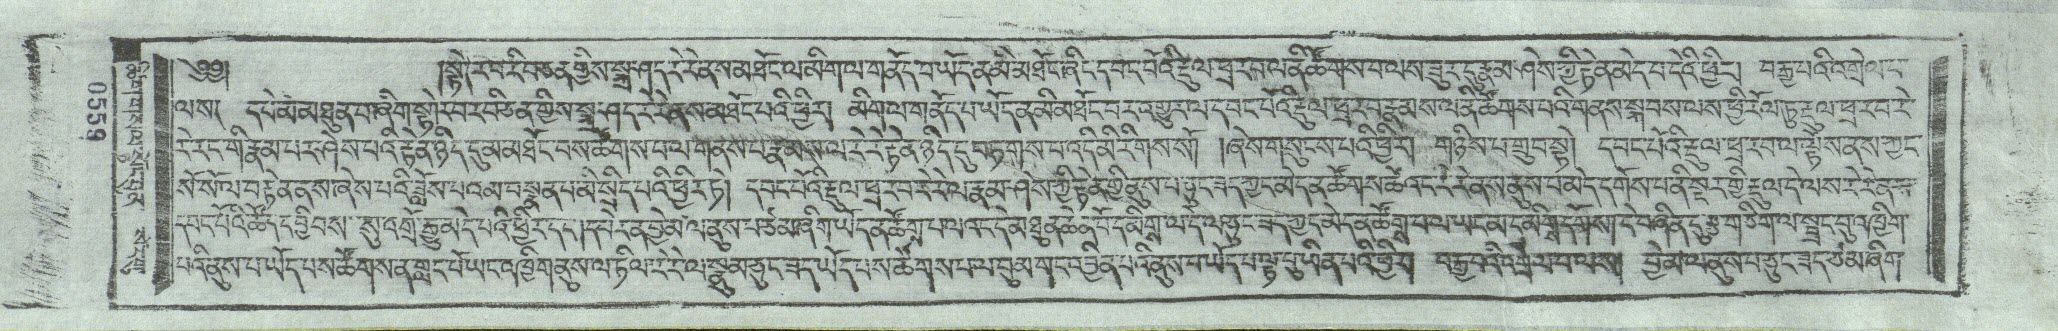༄༅། །སྟེ༑ རབ་རིབ་ཅན་གྱིས་སྐྲ་ཤད་རེ་རེ་ནས་མཐོང་ལ་མིག་ལ་གནོད་པ་ཡོད་ན་མི་མཐོང་ཞིང་དབང་པོའི་རྡུལ་ཕྲ་རབ་ལ་ནི་ཚོགས་པ་ལས་ཟུར་དུ་རྣམ་ཤེས་ཀྱི་རྟེན་མེད་པ་དེའི་ཕྱིར། བརྒྱ་པའི་འགྲེལ་པ་
ལས༑ དཔེ་མི་མཐུན་པ་ཞིག་སྟེ། རབ་རིབ་ཅན་གྱིས་སྐྲ་ཤད་རེ་རེ་ནས་མཐོང་པའི་ཕྱིར། མིག་ལ་གནོད་པ་ཡོད་ན་མི་མཐོང་བར་འགྱུར་ལ་དབང་པོའི་རྡུལ་ཕྲ་རབ་རྣམས་ལ་ནི་ཚོགས་པའི་གནས་སྐབས་ལས་ཕྱི་རོལ་ཏུ་རྡུལ་ཕྲ་རབ་རེ་
རེ་རང་གི་རྣམ་པར་ཤེས་པའི་རྟེན་ཉིད་དུ་མ་མཐོང་བས་ཚོགས་པ་ལ་གནས་པ་རྣམས་ལ་རེ་རེ་རྟེན་ཉིད་དུ་བཏགས་པ་འདི་མི་རིགས་སོ། །ཞེས་གསུངས་པའི་ཕྱིར། གཉིས་པ་གྲུབ་སྟེ། དབང་པོའི་རྡུལ་ཕྲ་རབ་ལ་ལྟོས་ནས་ཀྱང་
སོ་སོ་ལ་བརྟེན་ནས་ཞེས་པའི་ཟློས་པའམ་བསྣན་པ་མི་སྲིད་པའི་ཕྱིར་ཏེ། དབང་པོའི་རྡུལ་ཕྲ་རབ་རེ་རེ་ལ་རྣམ་ཤེས་ཀྱི་རྟེན་གྱི་ནུས་པ་ཅུང་ཟད་ཀྱང་མེད་ན་ཚོགས་ཚེའང་རེ་རེ་ནས་ནུས་པ་མེད་དགོས་པ་ནི་སྔར་གྱི་རྡུལ་དེ་ལས་རེ་རེ་ནས་
དབང་པོའི་ཚོད་དབྱིབས་སུ་འགྲོ་རྒྱུ་མེད་པའི་ཕྱིར་དང་། དཔེར་ན་བྱེ་མ་ལ་ནུས་པ་ཙམ་ཞིག་ཡོད་ན་ཚོགས་པ་ལའང་དེ་མཐུན་ཆེན་པོ་དམིགས་ལ་དེ་ལ་ཅུང་ཟད་ཀྱང་མེད་ན་ཚོགས་པ་ལ་ཡང་མ་དམིགས་དགོས། དེ་བཞིན་དུ་རྩ་གཅིག་ལ་སྦྲང་བུ་འཁྱིག།
པའི་ནུས་པ་ཡོད་པས་ཚོགས་ན་གླང་པོ་ཡང་འཁྱིག་ནུས་ལ་ཏིལ་རེ་རེ་ལ་སྣུམ་ཅུང་ཟད་ཡོད་པས་ཚོགས་པ་ལ་བུམ་གང་འབྱིན་པའི་ནུས་པ་ཡོད་པ་ལྟ་བུ་ཡིན་པའི་ཕྱིར། བརྒྱ་བའི་འགྲེལ་བ་ལས། བྱེ་མ་ལ་ནུས་པ་ཅུང་ཟད་ཙམ་ཞིག་